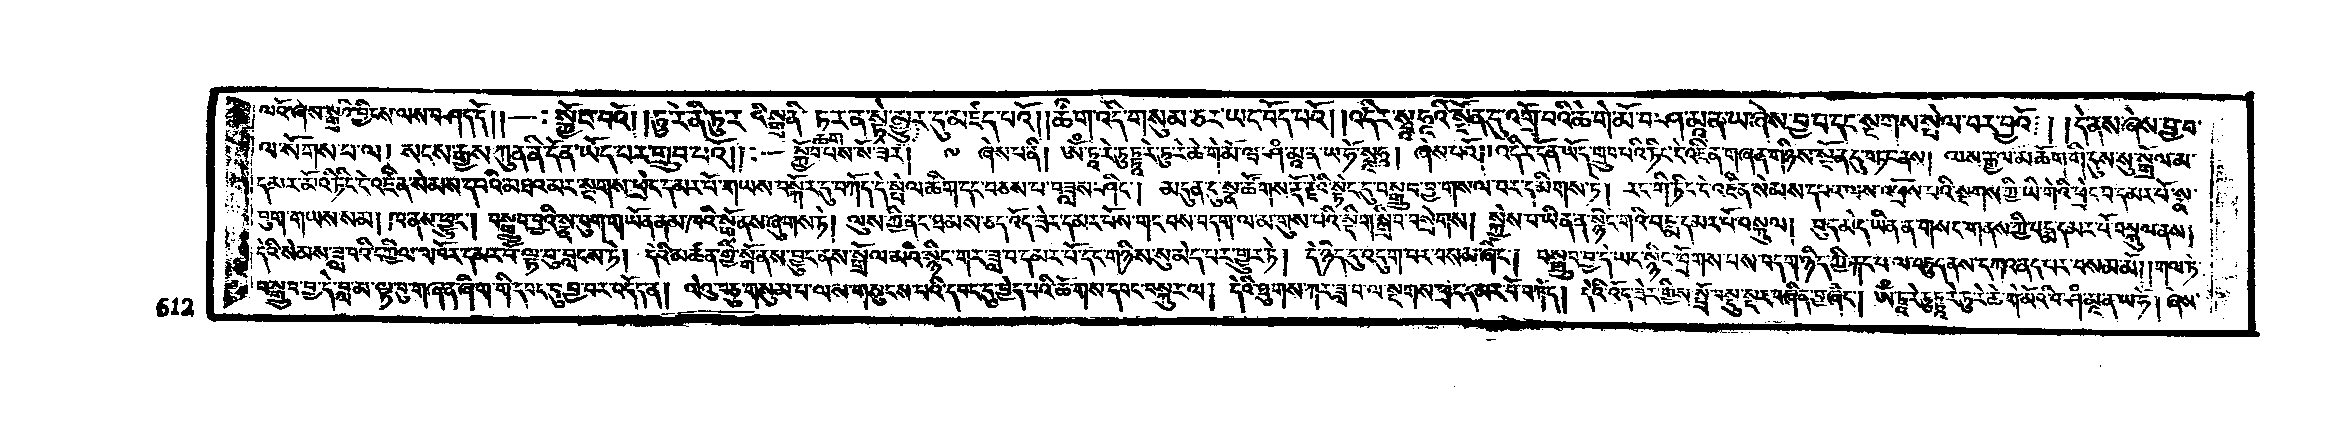ལའོ་ཞེས་སྒྲའི་བྱིངས་ལས་བཤད་དོ།། སྐྱོབ་པའོ། །ཏུ་དམར་པོ་གཡས་བསྐོར་དུ་བཀོད་དེ་སྤེལ་ཚིག་དང་བཅས་པ་བཟླས་།ཚིག་འདི་གསུམ་ཅར་ཡང་བོད་པའོ། །འདིར་སྭཱ་ཧཱའི་སྔོན་དུ་འགྲོ་བའི་ཆེ་གེ་མོ་བ་ཤི་མཱ་ན་ཡ་ཞེས་བྱ་བ་དང་སྔགས་སྤེལ་བར་བྱའོ། །དེ་ནས་ཞེས་བྱ་བ་
ལ་སོགས་པ་ལ། སངས་རྒྱས་ཀུན་ནི་དོན་ཡོད་པར་གྲུབ་པའོ།། སྐྱོབ་ཆག་པས་སོ་ཟེར། ༧ཞེས་པ་ནི། ཨོཾ་ཏཱ་རེ་ཏུ་ཏྟཱ་རེ་ཏུ་རེ་ཆེ་གེ་མོ་ཝ་ཤཾ་མཱ་ན་ཡ་ཧོ་སྭཱ་ཧཱ། ཞེས་པའོ། །འདིར་དོན་ཡོད་གྲུབ་པའི་ཏིང་ངེ་འཛིན་གཞན་གཉིས་སྔོན་དུ་བཏང་ནས། ལས་རྒྱལ་མཆོག་གི་དུས་སུ་སྒྲོལ་མ་
དམར་མོའི་ཏིང་ངེ་འཛིན་སེམས་དཔའི་མཐའ་མར་སྔགས་ཕྲེང་དམར་པོ་གཡས་བསྐོར་དུ་བཀོད་དེ་སྤེལ་ཚིག་དང་བཅས་པ་བཟླས་ཤིང་། མདུན་དུ་སྣ་ཚོགས་རྡོ་རྗེའི་སྟེང་དུ་བསྒྲུབ་བྱ་གསལ་བར་དམིགས་ཏེ། རང་གི་ཏིང་ངེ་འཛིན་སེམས་དཔའ་ལས་འཕྲོས་པའི་སྔགས་ཀྱི་ཡི་གེའི་ཕྲེང་བ་དམར་པོ་སྣ་
བུག་གཡས་སམ། ཁ་ནས་ཕྱུང་། བསྒྲུབ་བྱའི་སྣ་བུག་གཡོན་ནམ་མཁའི་སྒོ་ནས་ཞུགས་ཏེ། ལུས་ཀྱི་ནད་ཐམས་ཅད་འོད་ཟེར་དམར་པོས་གང་བས་བདག་ལ་མ་གུས་པའི་སྡིག་སྒྲིབ་བསྲེགས། སྐྱེས་པ་ཡིན་ན་སྙིང་གའི་པདམ་དམར་པོ་བསྐུལ། བུད་མེད་ཡིན་ན་གསང་གནས་ཀྱི་པདམ་དམར་པོ་བསྐུལ་ནས།
དེའི་སེམས་ཟླ་བའི་དཀྱིལ་འཁོར་དམར་པོ་ལྟ་བུ་བླངས་ཏེ། དེའི་མཚན་གྱི་སྒོ་ནས་བྱུང་ནས་སྒྲོལ་མའི་སྙིང་གར་ཟླ་བ་དམར་པོ་དང་གཉིས་སུ་མེད་པར་གྱུར་ཏེ། དེ་ཉིད་དུ་འདུག་པར་བསམ་ཞིང་། བསྒྲུབ་བྱ་དེ་ཡང་སྙིང་ཕྲོགས་པས་བདག་ཉིད་ཀྱི་རྐང་པ་ལ་བཏུད་ནས་བཀའ་ནང་པར་བསམ་མོ། །གལ་ཏེ་
བསྒྲུབ་བྱ་དེ་བླ་མ་ལྟ་བུ་གཞན་ཞིག་གི་དབང་དུ་བྱ་བར་འདོད་ན། ལེའུ་བཅུ་གསུམ་པ་ལས་གསུངས་པའི་དབང་དུ་བྱེད་པའི་ཆོ་གས་དབང་བསྐུར་ལ། དེའི་ཐུགས་ཀར་ཟླ་བ་ལ་སྔགས་ཕྲེང་དམར་པོ་བཀོད། དེའི་འོད་ཟེར་གྱིས་སྤྲོ་བསྡུ་སྔར་བཞིན་བྱ་ཞིང་། ཨོཾ་ཏཱ་རེ་ཏུ་ཏྟཱ་རེ་ཏུ་རེ་ཆེ་གེ་མོའི་བ་ཤཾ་མཱ་ན་ཡ་ཧོ། ཞེས